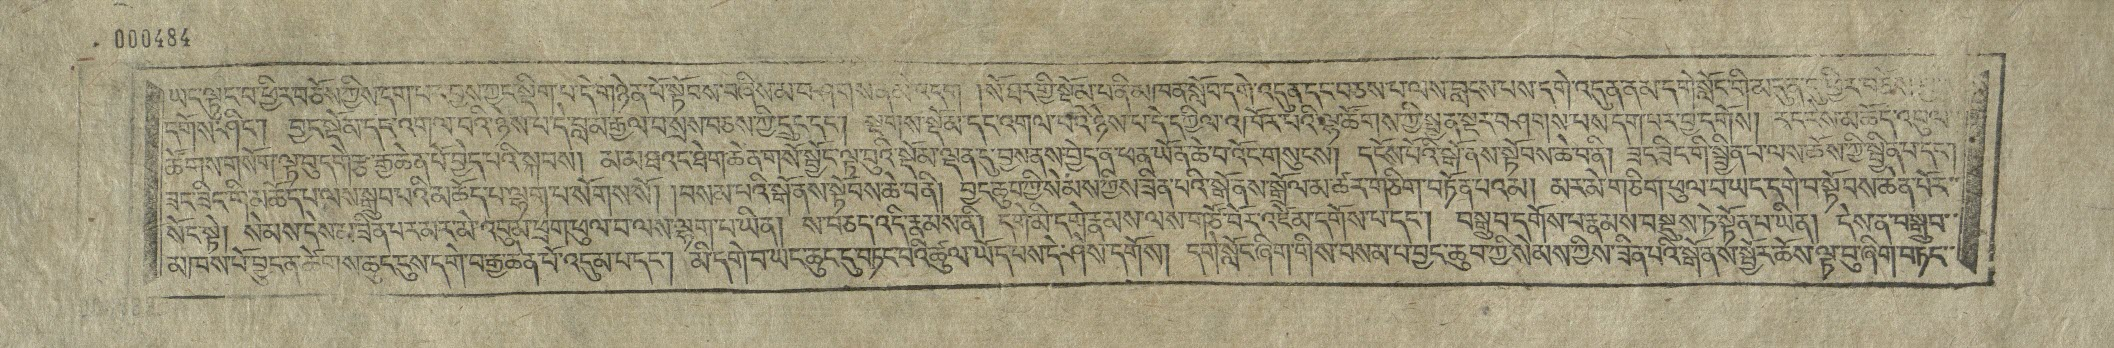ཡང་ལྟུང་བ་ཕྱིར་བཅོས་ཀྱིས་དག་པར་བྱས་ཀྱང་སྡིག་པ་དེ་གཉེན་པོ་སྟོབས་བཞིས་མ་བཤགས་ན་མི་འདག །སོ་ཐར་གྱི་སྡོམ་པ་ནི་མཁན་སློབ་དགེ་འདུན་དང་བཅས་པ་ལས་བླངས་པས་དགེ་འདུན་ནམ་དགེ་སློང་གི་མདུན་དུ་ཕྱིར་བཅོས་བྱ་
དགོས་ཤིང་། བྱང་སྡོམ་དང་འགལ་བའི་ཉེས་པ་དེ་བླ་མ་རྒྱལ་བ་སྲས་བཅས་ཀྱི་དྲུང་དང་། སྔགས་སྡོམ་དང་འགལ་བའི་ཉེས་པ་དེ་དཀྱིལ་འཁོར་པའི་ལྷ་ཚོགས་ཀྱི་སྤྱན་སྔར་བཤགས་པས་དག་པར་བྱ་དགོས། རང་རེས་མཆོད་འབུལ་
ཚོགས་གསོག་ལྟ་བུ་དགེ་རྩ་རྒྱ་ཆེན་པོ་བྱེད་པའི་སྐབས། མ་མཐའང་ཐེག་ཆེན་གསོ་སྦྱོང་ལྟ་བུའི་སྡོམ་ལྡན་དུ་བྱས་ནས་བྱེད་ན་ཕན་ཡོན་ཆེ་བ་འོང་གསུངས། དངོས་པོའི་སྒོ་ནས་སྟོབས་ཆེ་བ་ནི། ཟང་ཟིང་གི་སྦྱིན་པ་ལས་ཆོས་ཀྱི་སྦྱིན་པ་དང་།
ཟང་ཟིང་གི་མཆོད་པ་ལས་སྒྲུབ་པའི་མཆོད་པ་ལྷག་པ་སོགས་སོ། །བསམ་པའི་སྒོ་ནས་སྟོབས་ཆེ་བ་ནི། བྱང་ཆུབ་ཀྱི་སེམས་ཀྱིས་ཟིན་པའི་སྒོ་ནས་སྒྲོལ་མ་ཚར་གཅིག་བཏོན་པའམ། མར་མེ་གཅིག་ཕུལ་བ་ཡང་དགེ་བ་སྟོབས་ཆེན་པོར་
སོང་སྟེ། སེམས་དེས་མ་ཟིན་པར་མར་མེ་འབུམ་ཕྲག་ཕུལ་བ་ལས་ལྷག་པ་ཡིན། ས་བཅད་འདི་རྣམས་ནི། དགེ་མི་དགེ་རྣམས་ལས་གཙོ་བོར་འཛེམ་དགོས་པ་དང་། བསྒྲུབ་དགོས་པ་རྣམས་བསྡུས་ཏེ་སྟོན་པ་ཡིན། དེས་ན་བསྒྲུབ་
མཁས་པོ་བྱུང་ན་ཚེགས་ཆུང་ངུས་དགེ་བ་རྒྱ་ཆེན་པོ་འདུམ་པ་དང་། མི་དགེ་བ་ཡང་ཆུང་དུ་བཏང་བའི་ཚུལ་ཡོད་པས་དེ་ཤེས་དགོས། དགེ་སློང་ཞིག་གིས་བསམ་པ་བྱང་ཆུབ་ཀྱི་སེམས་ཀྱིས་ཟིན་པའི་སྒོ་ནས་སྦྱོར་ཆོས་ལྟ་བུ་ཞིག་བཏང་